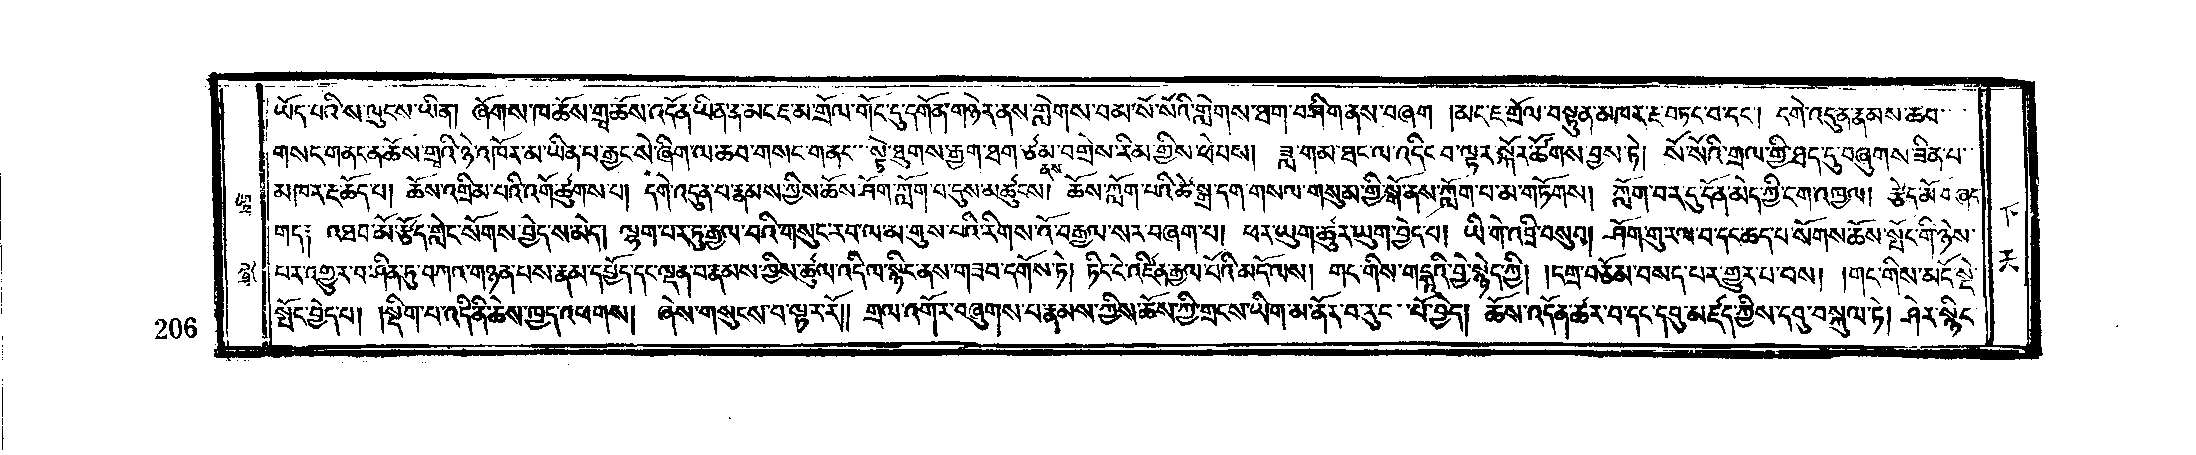ཡོད་པའི་ས་ལུངས་ཡིན། ཞོགས་ཁ་ཆོས་གྲྭ་ཆོས་འདོན་ཡིན་ན་མང་ཇ་མ་གྲོལ་གོང་དུ་དགོན་གཉེར་ནས་གླེགས་བམ་སོ་སོའི་གླེགས་ཐག་བ་ཤིག་ནས་བཞག །མང་ཇ་གྲོལ་བསྟུན་མཁར་རྔ་བཏང་བ་དང་། དགེ་འདུན་རྣམས་ཆབ་
གསང་གནང་ན་ཆོས་གྲྭའི་ཉེ་འཁོར་མ་ཡིན་པ་རྒྱང་སེ་ཞིག་ལ་ཆབ་གསང་གནང་སྟེ་ཐུགས་རྒྱག་ཐག་ཙམ་ནས་བགྲེས་རིམ་གྱིས་ཕེབས། ཟླ་གམ་ཐང་ལ་འདིང་བ་ལྟར་སྐོར་ཚོགས་བྱས་ཏེ། སོ་སོའི་གྲལ་གྱི་ཐད་དུ་བཞུགས་ཟིན་པ་
མཁར་རྔ་ཆོད་པ། ཆོས་འགྲིམ་པའི་འགོ་ཚུགས་པ། དགེ་འདུན་པ་རྣམས་ཀྱིས་ཆོས་ཤོག་ཀློག་པ་དུས་མཚུངས། ཆོས་ཀློག་པའི་ཚེ་སྒྲ་དག་གསལ་གསུམ་གྱི་སྒོ་ནས་ཀློག་པ་མ་གཏོགས། ཀློག་བར་དུ་དོན་མེད་ཀྱི་ངག་འཁྱལ། རྩེད་མོ་བཞད་
གད༑ འཐབ་མོ་རྩོད་གླེང་སོགས་བྱེད་ས་མེད། ལྷག་པར་ཏུ་རྒྱལ་བའི་གསུང་རབ་ལ་མ་གུས་པའི་རིགས་འོ་བརྒྱལ་སར་བཞག་པ། ཕར་ཡུག་ཚུར་ཡུག་བྱེད་པ། ཡི་གེ་འབྲི་བསུབ། ཤོག་གུ་རལ་བ་དང་ཆད་པ་སོགས་ཆོས་སྤོང་གི་ཉེས་
པར་འགྱུར་བ་ཤིན་ཏུ་བཀའ་གཉན་པས་རྣམ་དཔྱོད་དང་ལྡན་པ་རྣམས་ཀྱིས་ཚུལ་འདི་ལ་སྙིང་ནས་གཟབ་དགོས་ཏེ། ཏིང་ངེ་འཛིན་རྒྱལ་པོའི་མདོ་ལས། གང་གིས་གངྒཱའི་བྱེ་སྙེད་ཀྱི། །དགྲ་བཅོམ་བསད་པར་གྱུར་པ་བས། །གང་གིས་མདོ་སྡེ་
སྤོང་བྱེད་པ། །སྡིག་པ་འདི་ནི་ཆེས་ཁྱད་འཕགས། ཞེས་གསུངས་པ་ལྟར་རོ།། གྲལ་འགོར་བཞུགས་པ་རྣམས་ཀྱིས་ཆོས་ཀྱི་གྲངས་ཡིག་མ་ནོར་བ་རུང་པོ་བྱེད། ཆོས་འདོན་ཚར་བ་དང་དབུ་མཛད་ཀྱིས་དབུ་བསྐུལ་ཏེ། ཤེར་སྙིང་